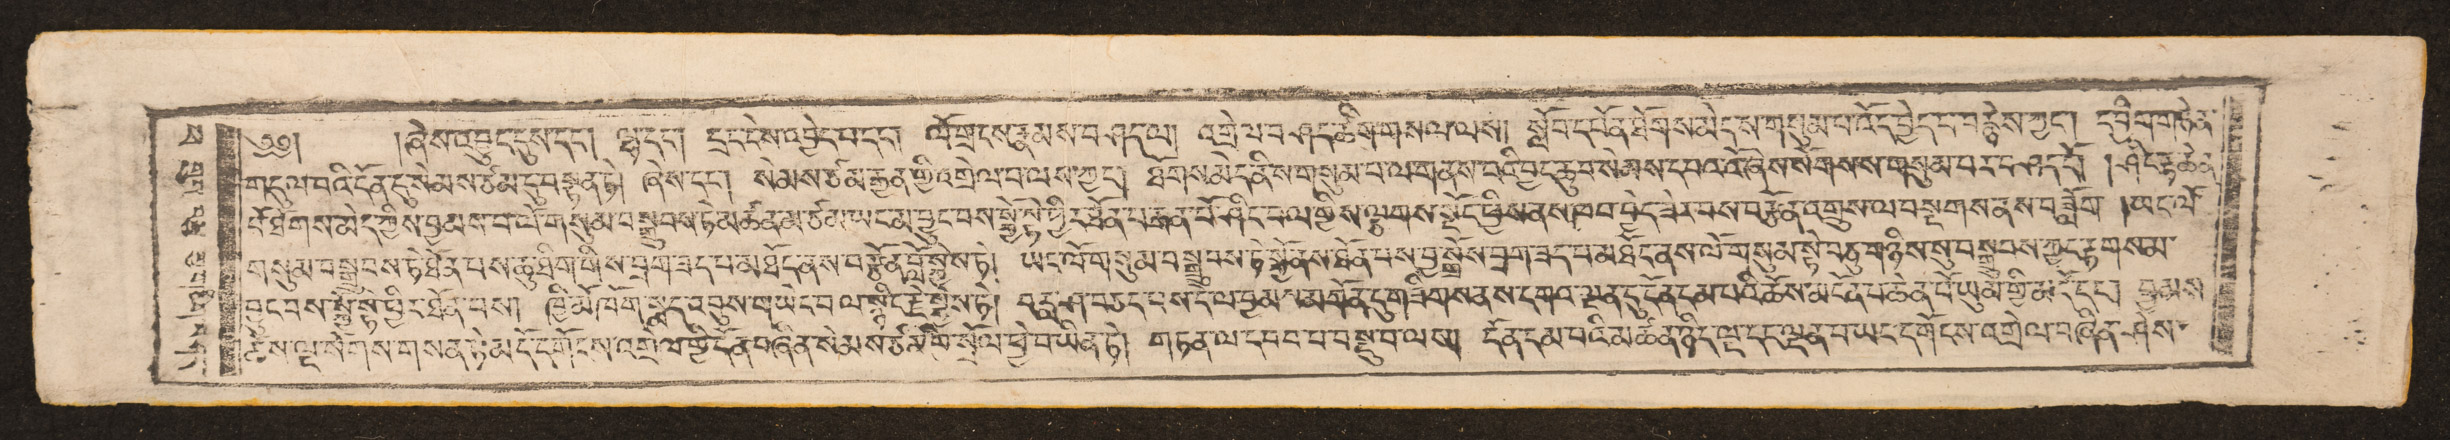༄༅། །ཞེས་འབྱུང་དུས་དང་། ལྷ་དང་། དྲང་ངེས་འབྱེད་པ་དང་། ལོ་གྲངས་རྣམས་བཤད་ལ། འགྲེལ་བཤད་ཚིག་གསལ་ལས། སློབ་དཔོན་ཐོགས་མེད་ས་གསུམ་པ་འོད་བྱེད་པ་བརྙེས་ཀྱང་། དབྱིག་གཉེན་
གདུལ་བའི་དོན་དུ་སེམས་ཙམ་དུ་བསྟན་ཏེ། ཞེས་དང་། སེམས་ཙམ་རྒྱན་གྱི་འགྲེལ་པ་ལས་ཀྱང་། ཐོགས་མེད་ནི་ས་གསུམ་པ་ལ་གནས་པའི་བྱང་ཆུབ་སེམས་དཔའ་འོ་ཞེས་སོགས་ས་གསུམ་པར་བཤད་དོ། །ཤིང་རྟ་ཆེན་
པོ་ཐོགས་མེད་ཀྱིས་བྱམས་པ་ལོ་གསུམ་བསྒྲུབས་ཏེ་མཚན་མ་ཙམ་ཡང་མ་བྱུང་བས་སྐྱོ་སྟེ་ཕྱིར་ཐོན་པ་རྒན་པོ་ཤིང་བལ་གྱིས་ལྕགས་སྡོང་ཕྱིས་ནས་ཁབ་བྱེད་ཟེར་བས་བརྩོན་འགྲུས་ལ་བསྔགས་ནས་བཟློག། །ཡང་ལོ་
གསུམ་བསྒྲུབས་ཏེ་ཐོན་པས་ཆུ་ཐིག་གིས་བྲག་ཟད་པ་མཐོང་ནས་བརྩོན་བློ་སྐྱེས་ཏེ། ཡང་ལོ་གསུམ་བསྒྲུབས་ཏེ་སྐྱོ་ནས་ཐོན་པས་བྱ་སྒྲོས་བྲག་ཟད་པ་མཐོང་ནས་ལོ་གསུམ་སྟེ་བཅུ་གཉིས་སུ་བསྒྲུབས་ཀྱང་རྟགས་མ་
བྱུང་བས་སྐྱོ་སྟེ་ཕྱིར་ཐོན་བས། ཁྱི་མོ་ཁོག་སྨད་འབུས་གཡེང་བ་ལ་སྙིང་རྗེ་སྐྱེས་ཏེ། བརླ་ཤ་བཅད་པས་དེ་ལ་བྱམས་མགོན་དུ་གཟིགས་ནས་དགའ་ལྡན་དུ་དོན་དམ་པའི་ཆོས་མངོན་པ་ཆེན་པོ་ཡུམ་གྱི་མདོ་དང་། བྱམས་
ཆོས་ལྔ་སོགས་གསན་ཏེ་མདོ་དགོངས་འགྲེལ་གྱི་དོན་བཞིན་སེམས་ཙམ་གྱི་སྲོལ་ཕྱེ་བ་ཡིན་ཏེ། གཏན་ལ་དབ་པ་བསྡུ་བ་ལས། དོན་དམ་པའི་མཚན་ཉིད་ལྔ་དང་ལྡན་བ་ཡང་དགོངས་འགྲེལ་བཞིན་ཤེས་